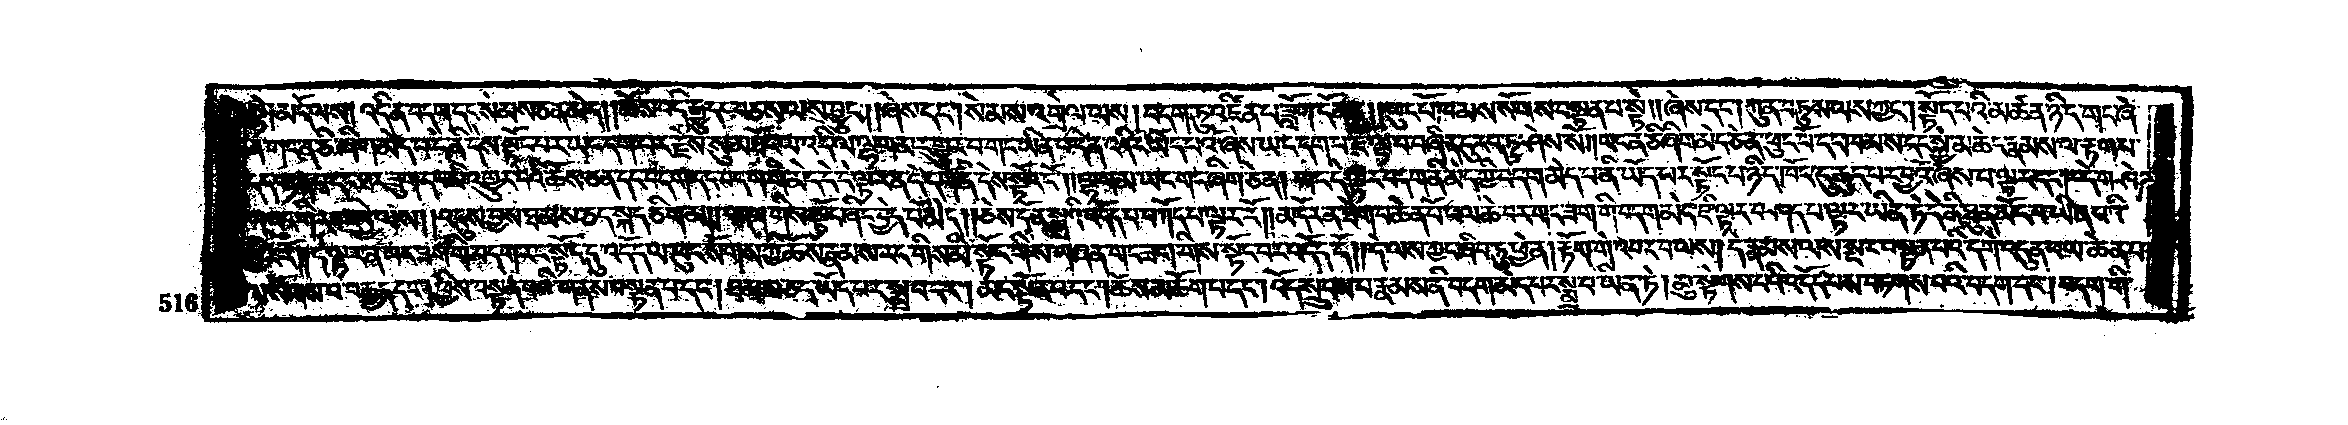སྟེ༑ མདོ་ལས། འདི་ན་བདག་དང་སེམས་ཅན་མེད། །ཆོས་འདི་རྒྱུ་དང་བཅས་ལས་བྱུང་། །ཞེས་དང་། སེམས་འགྲེལ་ལས། བདག་ཏུ་འཛིན་པ་ཟློག་དོན་དུ། །ཕུང་པོ་ཁམས་སོགས་བསྟན་པ་སྟེ། །ཞེས་དང་། ཀུན་བཏུས་ལས་ཀྱང་། སྟོང་པའི་མཚན་ཉིད་གང་ཞེ་
ན་གང་ན་ཅི་ཞིག་མེད་པ་དེ་ནི་དེས་སྟོང་པར་ཡང་དག་པར་རྗེས་སུ་མཐོང་ལ་འདི་ལ་ལྷག་མར་གྱུར་པ་གང་ཡིན་པ་དེ་ན་འདིར་ཡོད་པའོ་ཞེས་ཡང་དག་པ་ཇི་ལྟ་བ་བཞིན་དུ་རབ་ཏུ་ཤེས་སོ། །གང་ན་ཅི་ཞིག་མེད་ཅེ་ན་ཕུང་པོ་དང་ཁམས་དང་སྐྱེ་མཆེད་རྣམས་ལ་རྟག་པ་
དང་བརྟན་པ་དང་ཐར་ཟུག་དང་མི་འགྱུར་བའི་ཆོས་ཅན་དང་བདག་དང་བདག་གི་མེད་དེ་དེ་ལྟར་ན་དེ་དག་ནི་དེས་སྟོང་ངོ། །ལྷག་མ་ཡང་གང་ཞིག་ཅེ་ན། གང་དེ་ལྟར་བདག་ནི་མེད་ཀྱི་བདག་མེད་པ་ནི་ཡོད་པར་སྟོང་པ་ཉིད་ཁོང་དུ་ཆུད་པར་བྱའོ་ཞེས་པ་ལྟར་དང་། བདེ་གཤེགས་
གཞུང་གི་རབ་དབྱེ་ལས། །འདུས་བྱས་ཐམས་ཅད་སྐད་ཅིག་མ། །བདག་གིས་སྟོང་ཞིང་བྱེད་པོ་མེད། །ཅེས་དོན་སྨྲའི་འདོད་པ་བཀོད་པ་ལྟར་རོ། །མདོར་ན་ཐེག་པ་ཆེན་པོ་ཕལ་ཆེ་བར་གང་ཟག་གི་བདག་མེད་ཇི་ལྟར་བཤད་པ་ལྟར་ཡིན་ཏེ་དེ་ནི་ཐུན་མོང་བ་ཡིན་པའི་
ཕྱིར་རོ། །དེ་ལྟར་ན་གང་ཟག་གི་བདག་རང་སྟོང་དུ་འདོད་ལ་ཕུང་སོགས་ཀྱི་ཆོས་རྣམས་རང་གིས་མི་སྟོང་གིས་གཞན་གང་ཟག་གིས་སྟོང་བར་འདོད་དོ། །དེ་ལས་ཀྱང་ཞིབ་ཏུ་ཕྱེ་ན། རྟོག་གི་འབར་བ་ལས། དེ་རྣམས་ལས་སྔར་བསྟན་པའི་དགེ་འདུན་ཕལ་ཆེན་པ་
ལ་སོགས་པ་བརྒྱད་དང་། ཕྱིས་བསྟན་པའི་གནས་བསྟན་པ་དང་། ཐམས་ཅད་ཡོད་པར་སྨྲ་བ་དང་། མང་སྟོན་པ་དང་། ཆོས་མཆོག་པ་དང་། འོད་སྲུངས་པ་རྣམས་ནི་བདག་མེད་པར་སྨྲ་བ་ཡིན་ཏེ། མུ་སྟེགས་པའི་འདོད་པས་བཏགས་པའི་བདག་དང་། བདག་གི་